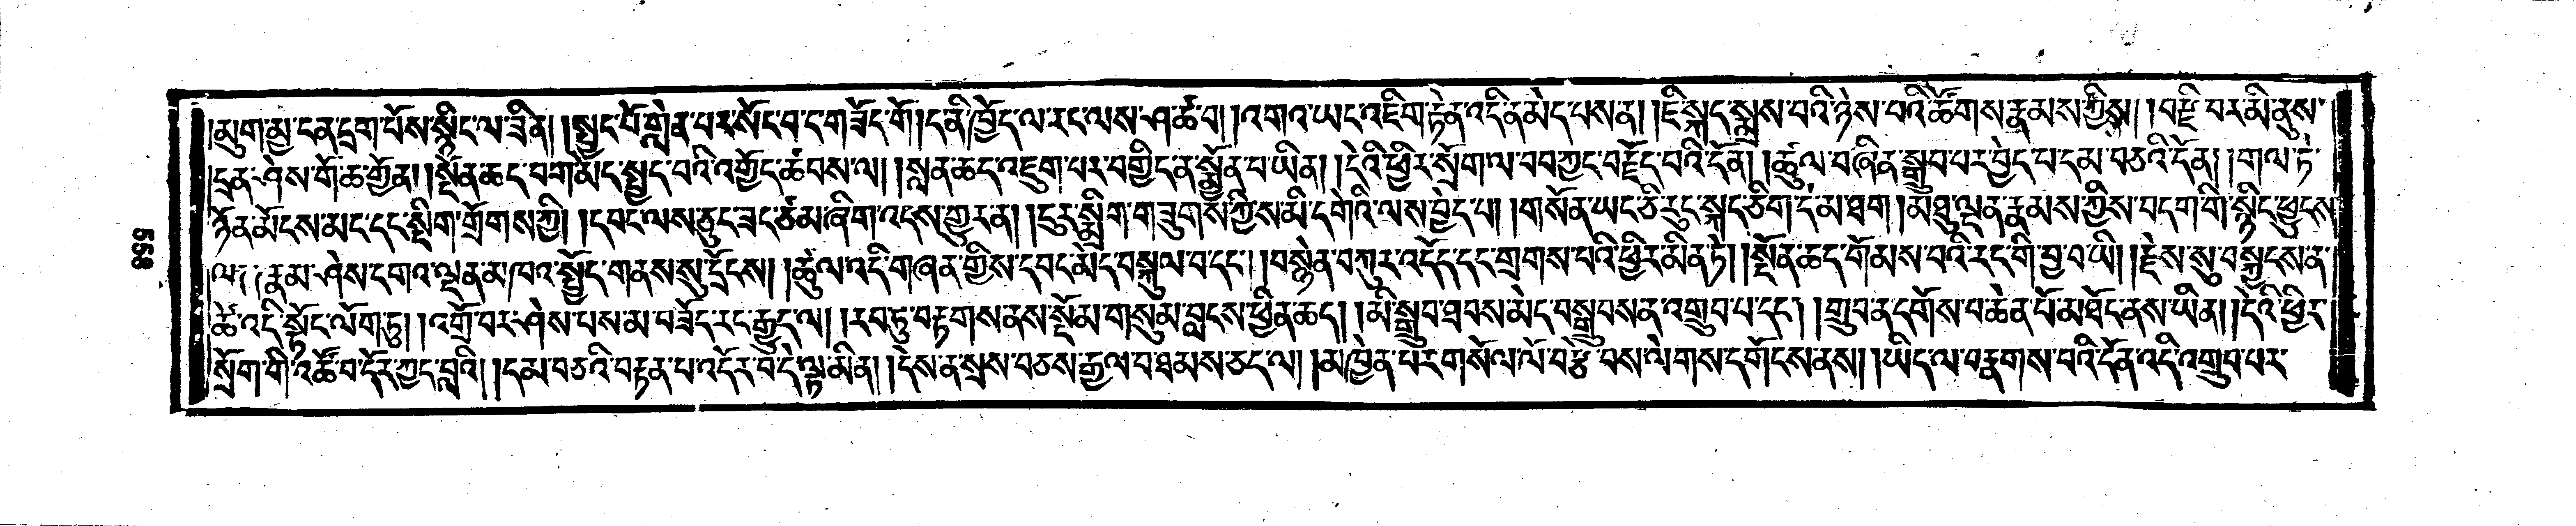མུག་མྱ་ངན་དྲག་པོས་སྙིང་ལ་ཟིན། །སྤྱང་པོ་གླེན་པར་སོང་བ་ང་གཟོད་གོ །ང་ནི་ཁྱོད་ལ་རང་ལས་ཤ་ཚ་བ། །འགའ་ཡང་འཇིག་རྟེན་འདི་ན་མེད་པས་ན། །ཇི་སྐད་སྨྲས་པའི་ཉེས་པའི་ཚོགས་རྣམས་ཀྱིས། །བརྫི་བར་མི་ནུས་
དྲན་ཤེས་གོ་ཆ་གྱོན། །སྔོན་ཆད་བག་མེད་སྤྱད་པའི་འགྱོད་ཚབས་ལ། །སླན་ཆད་འཇུག་པར་བགྱིད་ན་སྨྱོན་པ་ཡིན། །དེའི་ཕྱིར་སྲོག་ལ་བབ་ཀྱང་བརྗོད་པའི་དོན། །ཚུལ་བཞིན་སྒྲུབ་པར་བྱེད་པ་དམ་བཅའི་དོན། །གལ་ཏེ་
ཉོན་མོངས་མང་དང་སྡིག་གྲོགས་ཀྱི། །དབང་ལས་ཅུང་ཟད་ཙམ་ཞིག་འདས་གྱུར་ན། །ངུར་སྨྲིག་གཟུགས་ཀྱིས་མི་དགེའི་ལས་བྱེད་པ། །གསོན་ཡང་ཅི་རུང་སྐད་ཅིག་དེ་མ་ཐག །མཐུ་ལྡན་རྣམས་ཀྱིས་བདག་གི་སྙིང་ཕྱུངས་
ལ། །རྣམ་ཤེས་དགའ་ལྡན་མཁའ་སྤྱོད་གནས་སུ་དྲོངས། །ཚུལ་འདི་གཞན་གྱིས་དབང་མེད་བསྐུལ་བ་དང་། །བསྙེན་བཀུར་འདོད་དང་གྲགས་པའི་ཕྱིར་མིན་ཏེ། །སྔོན་ཆད་གོམས་པའི་རང་གི་བྱ་བ་ཡི། །རྗེས་སུ་བསྐྱངས་ན་
ཚེ་འདི་སྟོང་ལོག་ཏུ། །འགྲོ་བར་ཤེས་པས་མ་བཟོད་རང་རྒྱུད་ལ། །རབ་ཏུ་བརྟགས་ནས་སྡོམ་གསུམ་བླངས་ཕྱིན་ཆད། །མི་སྒྲུབ་ཐབས་མེད་བསྒྲུབས་ན་འགྲུབ་པ་དང་། །གྲུབ་ན་དགོས་པ་ཆེན་པོ་མཐོང་ནས་ཡིན། །དེའི་ཕྱིར་
སྲོག་གི་འཚོ་བ་དོར་ཀྱང་བླའི། །དམ་བཅའི་བརྟན་པ་འདོར་བ་དེ་ལྟ་མིན། །དེས་ན་སྲས་བཅས་རྒྱལ་བ་ཐམས་ཅད་ལ། །མཁྱེན་པར་གསོལ་ལོ་བརྩེ་བས་ལེགས་དགོངས་ནས། །ཡིད་ལ་བརྣགས་པའི་དོན་འདི་འགྲུབ་པར་